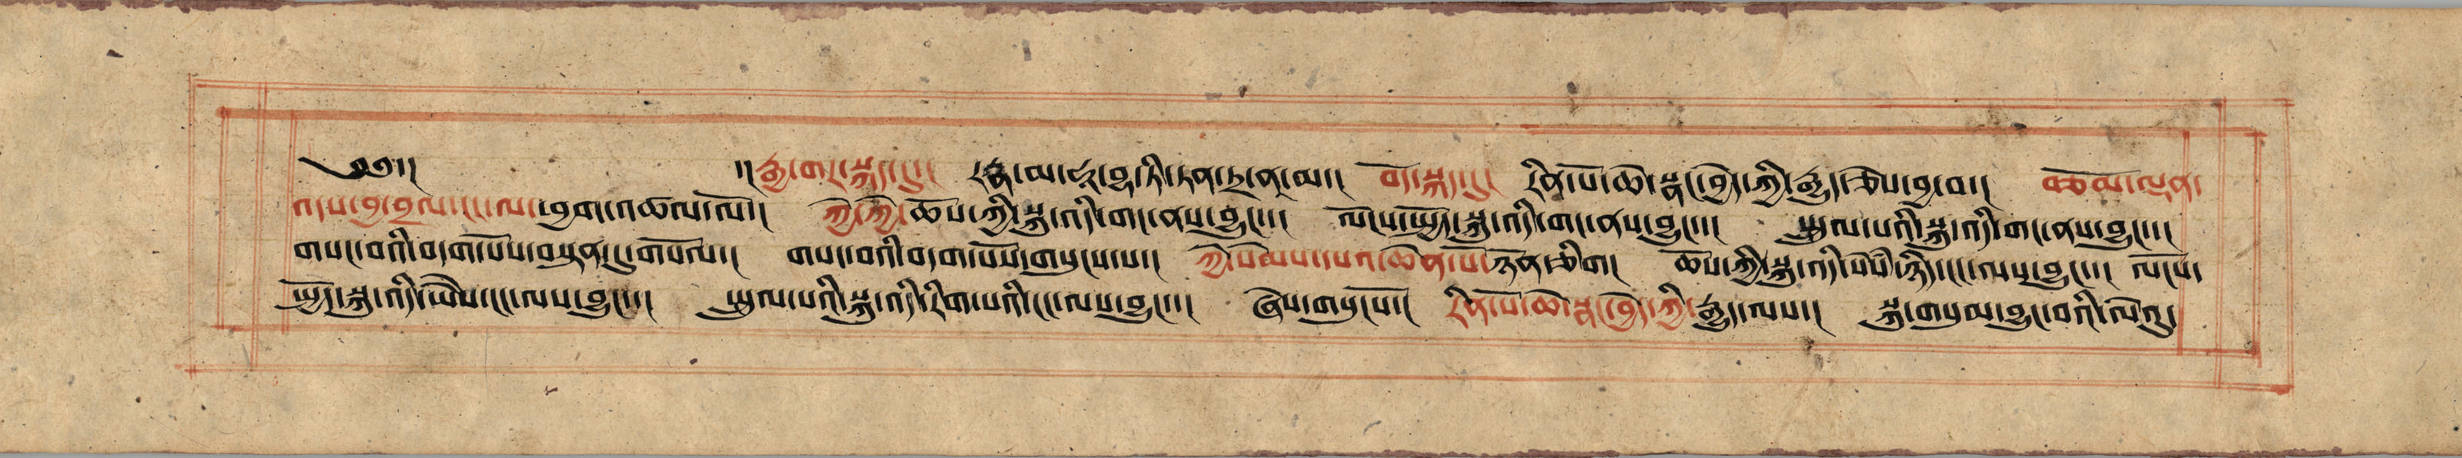༄༅་། ་།རྒྱ་གར་སྐད་དུ་། རཏྣ་མ་ཧཱ་བྷ་ཏི་ཏན་ཏྲ་ནཱ་མ་། བོད་སྐད་དུ། རིན་པོ་ཆེ་སྣང་བྱེད་ཀྱི་རྒྱུད་ཅེས་བྱ་བ་། བཅོམ་ལྡན་
འདས་བྱབྲལ་ངང་ལ་ཕྱག་འཚལ་ལོ་། ཀྱེ་ཀྱེ་ཆོས་ཀྱི་སྐུ་འདི་གང་ནས་བྱུང་་། ལོངས་སྤྱོད་སྐུ་འདི་གང་ནས་བྱུང་་། སྤྲུལ་པའི་སྐུ་འདི་གང་ནས་བྱུང་་།
གསང་བའི་བདག་པོས་བསྟན་དུ་གསོལ་། གསང་བའི་བདག་པོས་གསུངས་པ་། ཀྱེ་སེམས་དཔའ་ཆེན་པོ་ཉོན་ཅིག། ཆོས་ཀྱི་སྐུ་འདི་སེསཾ་ཉིད་ངང་ལས་བྱུང་་། ལོངས་
སྤྱོད་སྐུ་འདི་ཡཻས་ངང་ལས་བྱུང་། སྤྲུལ་པའི་སྐུ་འདི་རིག་པའི་ངང་ལས་བྱུང་་། ཞེས་གསུངསོ་། རིན་པོ་ཆེ་སྣང་བྱེད་ཀྱི་རྒྱུད་ལས་། སྐུ་གསུམ་བྱུང་བའི་ལེའུ་